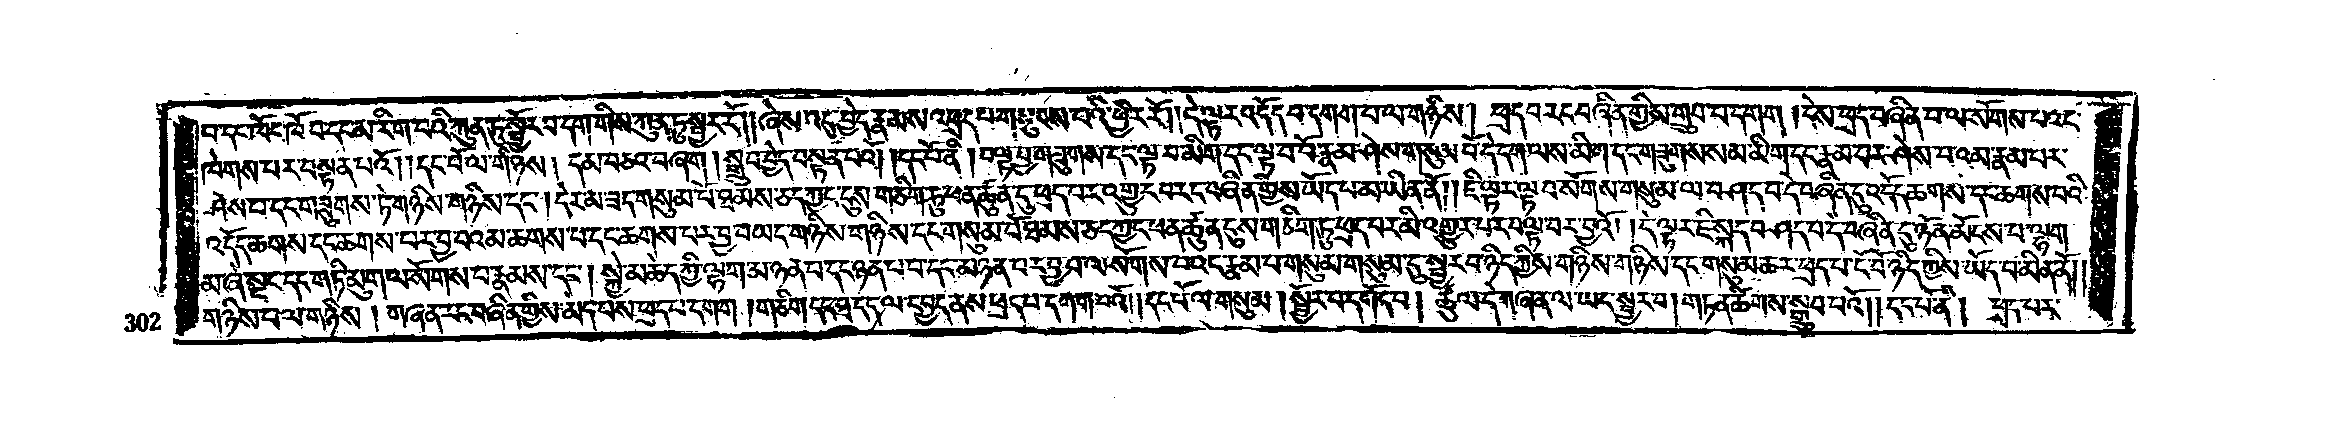པ་དང་ཁོང་ཁོབ་དང་མ་རིག་པའི་ཀུན་ཏུ་སྦྱོར་བདག་གིས་ཀུན་ཏུ་སྦྱར་རོ། །ཞེས་འདུ་བྱེད་རྣམས་འཕྲད་པ་གསུངས་པའི་ཕྱིར་རོ། །དེ་ལྟར་འདོད་པ་དགག་པ་ལ་གཉིས། ཕྲད་པ་རང་བཞིན་གྱིས་གྲུབ་པ་དགག །དེས་ཕྲད་བཞིན་པ་ལ་སོགས་པའང་
ལེགས་པར་བསྟན་པའོ། །དང་པོ་ལ་གཉིས། དམ་བཅའ་བཞག །སྒྲུབ་བྱེད་བསྟན་པའོ། །དང་པོ་ནི། བལྟ་བྱ་གཟུགས་དང་ལྟ་བ་ལོག་དང་ལྟ་བ་པོ་རྣམ་ཤེས་གསུམ་པོ་དེ་དག་ལས་མིག་དང་གཟུགས་སམ་མིག་དང་རྣམ་པར་ཤེས་པའམ་རྣམ་པར་
ཤེས་པ་དང་གཟུགས་ཏེ་གཉིས་གཉིས་དང་། དེར་མ་ཟད་གསུམ་པོ་ཐམས་ཅད་ཀྱང་དུས་གཅིག་ཏུ་ཕན་ཚུན་དུ་ཕྲད་པར་འགྱུར་བ་རང་བཞིན་གྱིས་ཡོད་པ་མ་ཡིན་ནོ། །དེ་ལྟར་ལྟ་བ་སོགས་གསུམ་པ་བཤད་པ་དེ་བཞིན་དུ་འདོད་ཆགས་དང་ཆགས་བའི་
འདོད་ཆགས་དང་ཆགས་པར་བྱ་བའམ་ཆགས་པ་དང་ཆགས་པར་བྱ་བ་ཡང་གཉིས་གཉིས་དང་གསུམ་པོ་ཐམས་ཅད་ཀྱང་ཕན་ཚུན་དུས་གཅིག་ཏུ་ཕྲད་པར་མི་འགྱུར་པར་བལྟ་བར་བྱའོ། །དེ་ལྟར་ཇི་སྐད་བཤད་པ་དེ་བཞིན་དུ་ཉོན་མོངས་པ་ལྷག་
མ་ཞེ་སྡང་དང་གཏི་མུག་ལ་སོགས་པ་རྣམས་དང་། སྐྱེ་མཆེད་ཀྱི་ལྷག་མ་ཉན་པ་དང་ཉན་པ་པ་དང་མཉན་པར་བྱ་བ་ལ་སོགས་པའང་རྣམ་པ་གསུམ་གསུམ་དུ་སྦྱར་བ་ཉིད་ཀྱིས་གཉིས་གཉིས་དང་གསུམ་ཆར་ཕྲད་པ་ངོ་བོ་ཉིད་ཀྱིས་ཡོད་པ་མིན་ནོ།།
གཉིས་པ་ལ་གཉིས། གཞན་རང་བཞིན་གྱིས་མེད་པས་ཕྲད་པ་དགག །གཅིག་དང་ཐ་དད་ལ་དཔྱད་ནས་ཕྲད་པ་དགག་པའོ། །དང་པོ་ལ་གསུམ། སྦྱོར་བ་དགོད་པ། ཚུལ་དེ་གཞན་ལ་ཡང་སྦྱར་བ། གཏན་ཚིགས་སྒྲུབ་པའོ། །དང་པོ་ནི། ཕྲད་པར་